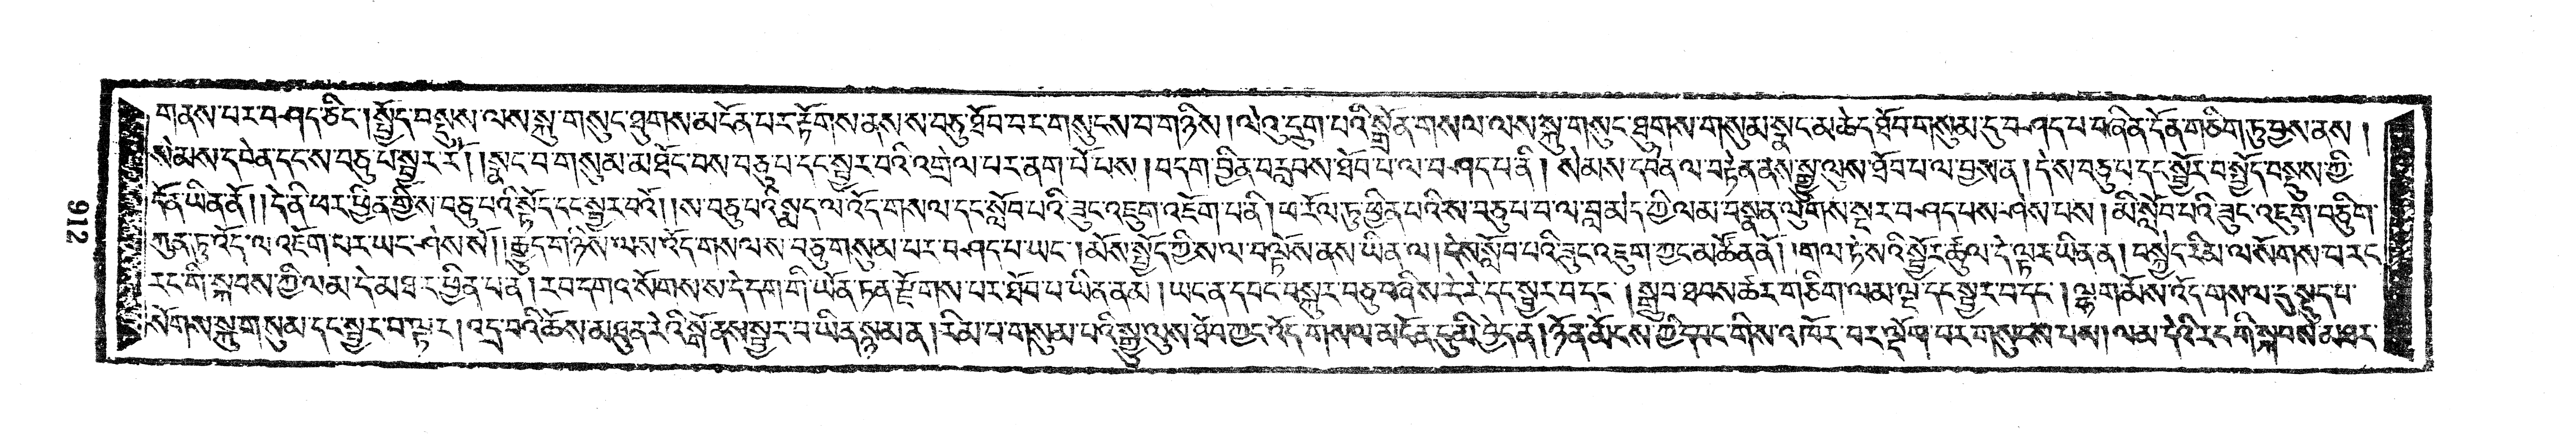གནས་པར་བཤད་ཅིང་། སྤྱོད་བསྡུས་ལས་སྐུ་གསུང་ཐུགས་མངོན་པར་རྟོགས་ནས་ས་བཅུ་ཐོབ་པར་གསུངས་པ་གཉིས། ལེའུ་དྲུག་པའི་སྒྲོན་གསལ་ལས་སྐུ་གསུང་ཐུགས་གསུམ་སྣང་མཆེད་ཐོབ་གསུམ་དུ་བཤད་པ་བཞིན་དོན་གཅིག་ཏུ་བྱས་ནས།
སེམས་དབེན་དང་ས་བཅུ་པ་སྦྱར་རོ། །སྣང་བ་གསུམ་མཐོང་བས་བཅུ་པ་དང་སྦྱར་བའི་འགྲེལ་པར་ནག་པོ་པས། བདག་བྱིན་བརླབས་ཐོབ་པ་ལ་བཤད་པ་ནི། སེམས་དབེན་ལ་བརྟེན་ནས་སྒྱུ་ལུས་ཐོབ་པ་ལ་བྱས་ན། དེ་ས་བཅུ་པ་དང་སྦྱོར་བ་སྤྱོད་བསྡུས་ཀྱི་
དོན་ཡིན་ནོ། །དེ་ནི་ཕར་ཕྱིན་གྱི་ས་བཅུ་པའི་སྟོད་དང་སྦྱར་བའོ། །ས་བཅུ་པའི་སྨད་ལ་འོད་གསལ་དང་སློབ་པའི་ཟུང་འཇུག་འཇོག་པ་ནི། ཕ་རོལ་ཏུ་ཕྱིན་པའི་ས་བཅུ་པ་བ་ལ་བླ་མེད་ཀྱི་ལམ་བསྣན་ལུགས་སྔར་བཤད་པས་ཤེས་པས། མི་སློབ་པའི་ཟུང་འཇུག་བཅུ་གཅིག་
ཀུན་ཏུ་འོད་ལ་འཇོག་པར་ཡང་ཤེས་སོ། །རྒྱུད་གཉིས་ལས་འོད་གསལ་ས་བཅུ་གསུམ་པར་བཤད་པ་ཡང་། མོས་སྤྱོད་ཀྱི་ས་ལ་བལྟོས་ནས་ཡིན་ལ། དེས་སློབ་པའི་ཟུང་འཇུག་ཀྱང་མཚོན་ནོ། །གལ་ཏེ་སའི་སྦྱོར་ཚུལ་དེ་ལྟར་ཡིན་ན། བསྐྱེད་རིམ་ལ་སོགས་པ་རང་
རང་གི་སྐབས་ཀྱི་ལམ་དེ་མཐར་ཕྱིན་པ་ན། རབ་དགའ་སོགས་ས་དེ་དག་གི་ཡོན་ཏན་རྫོགས་པར་ཐོབ་པ་ཡིན་ནམ། ཡང་ན་དབང་བསྐུར་བཅུ་བཞིས་རེ་རེ་དང་སྦྱར་བ་དང་། སྒྲུབ་ཐབས་ཚར་གཅིག་ལམ་ལྔ་དང་སྦྱར་བ་དང་། ལྷག་མོས་འོད་གསལ་དུ་སྡུད་པ་
སོགས་སྐུ་གསུམ་དང་སྦྱར་བ་ལྟར། འདྲ་བའི་ཆོས་མཐུན་རེའི་སྒོ་ནས་སྦྱར་བ་ཡིན་སྙམ་ན། རིམ་པ་གསུམ་པའི་སྒྱུ་ལུས་ཐོབ་ཀྱང་འོད་གསལ་མངོན་དུ་མི་བྱེད་ན། ཉོན་མོངས་ཀྱི་དབང་གིས་འཁོར་བར་ལྡོག་པར་གསུངས་པས། ལམ་དེའི་རང་གི་སྐབས་མཐར་